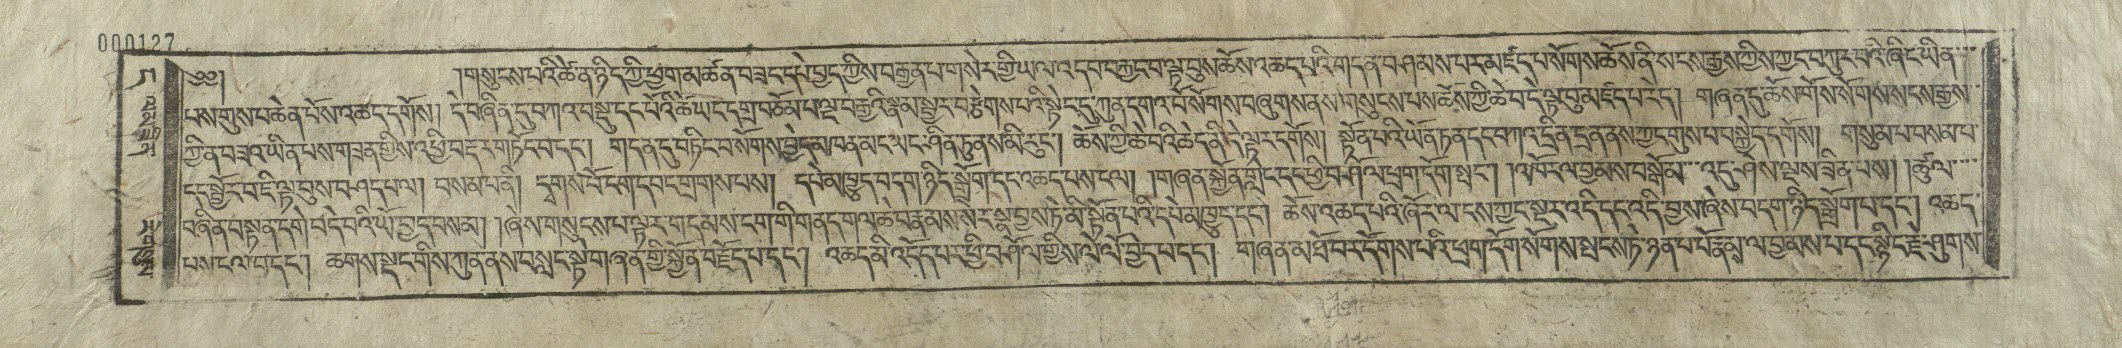༄༅། །གསུངས་པའི་ཚེ་ན་ཉིད་ཀྱི་ཕྱག་མཚན་བཟང་དཔེ་བྱད་ཀྱིས་བརྒྱན་པ་གསེར་གྱི་ཡལ་འདབ་བརྐྱང་བ་ལྟ་བུས་ཆོས་འཆད་པའི་གདན་བཤམས་པར་མཛད་པ་སོགས་ཆོས་ནི་སངས་རྒྱས་ཀྱིས་ཀྱང་བཀུར་བའི་ཞིང་ཡིན་
པས་གུས་པ་ཆེན་པོས་འཆད་དགོས། དེ་བཞིན་དུ་བཀའ་བསྡུ་དང་པོའི་ཚེ་ཡང་དགྲ་བཅོམ་པ་ལྔ་བརྒྱའི་སྣམ་སྦྱར་བརྩེགས་པའི་སྟེང་དུ་ཀུན་དགའ་བོ་སོགས་བཞུགས་ནས་གསུངས་པས་ཆོས་ཀྱི་ཆེ་བ་དེ་ལྟ་བུ་མཛད་པ་རེད། གཞན་དུ་ཆོས་གོས་སོགས་སངས་རྒྱས་
ཀྱི་ན་བཟའ་ཡིན་པས་གཟན་གྱིས་འཕྱི་བརྡར་གཏོང་བ་དང་། གདན་དུ་བཏིང་བ་སོགས་བྱེད་མཁན་མང་ཡང་ཤིན་ཏུ་ནས་མི་རུང་། ཆོས་ཀྱི་ཆེ་བའི་ཆེད་ནི་དེ་ལྟར་དགོས། སྟོན་པའི་ཡོན་ཏན་དང་བཀའ་དྲིན་དྲན་ནས་ཀྱང་གུས་པ་བསྐྱེད་དགོས། གསུམ་པ་བསམ་པ་
དང་སྦྱོར་བ་ཇི་ལྟ་བུས་བཤད་པ་ལ། བསམ་པ་ནི། དྭགས་པོ་ངག་དབང་གྲགས་པས། དཔེ་མཁྱུད་བདག་ཉིད་སྒྲོག་དང་འཆད་པས་ངལ། །གཞན་སྐྱོན་གླེང་དང་ཕྱི་བཤོལ་ཕྲག་དོག་སྤང་། །འཁོར་ལ་བྱམས་བསྒོམ་འདུ་ཤེས་ལྔས་ཟིན་པས། །ཚུལ་
བཞིན་བསྟན་དགེ་བདེ་བའི་ཡོ་བྱད་བསམ། །ཞེས་གསུངས་པ་ལྟར་གདམས་ངག་གི་གནད་གལ་ཆེ་བ་རྣམས་སེར་སྣ་བྱས་ཏེ་མི་སྟོན་པའི་དཔེ་མཁྱུད་དང་། ཆོས་འཆད་པའི་ཞོར་ལ་ངས་ཀྱང་སྔར་འདི་དང་འདི་བྱས་ཞེས་བདག་ཉིད་སྒྲོག་པ་དང་། འཆད་
པས་ངལ་བ་དང་། ཆགས་སྡང་གིས་ཀུན་ནས་བསླང་སྟེ་གཞན་གྱི་སྐྱོན་བརྗོད་པ་དང་། འཆད་མི་འདོད་པར་ཕྱི་བཤོལ་གྱིས་ལེ་ལོ་བྱེད་པ་དང་། གཞན་མཐོ་བར་དོགས་པའི་ཕྲག་དོག་སོགས་སྤངས་ཏེ་ཉན་པ་པོ་རྣམས་ལ་བྱམས་པ་དང་སྙིང་རྗེ་ཤུགས་